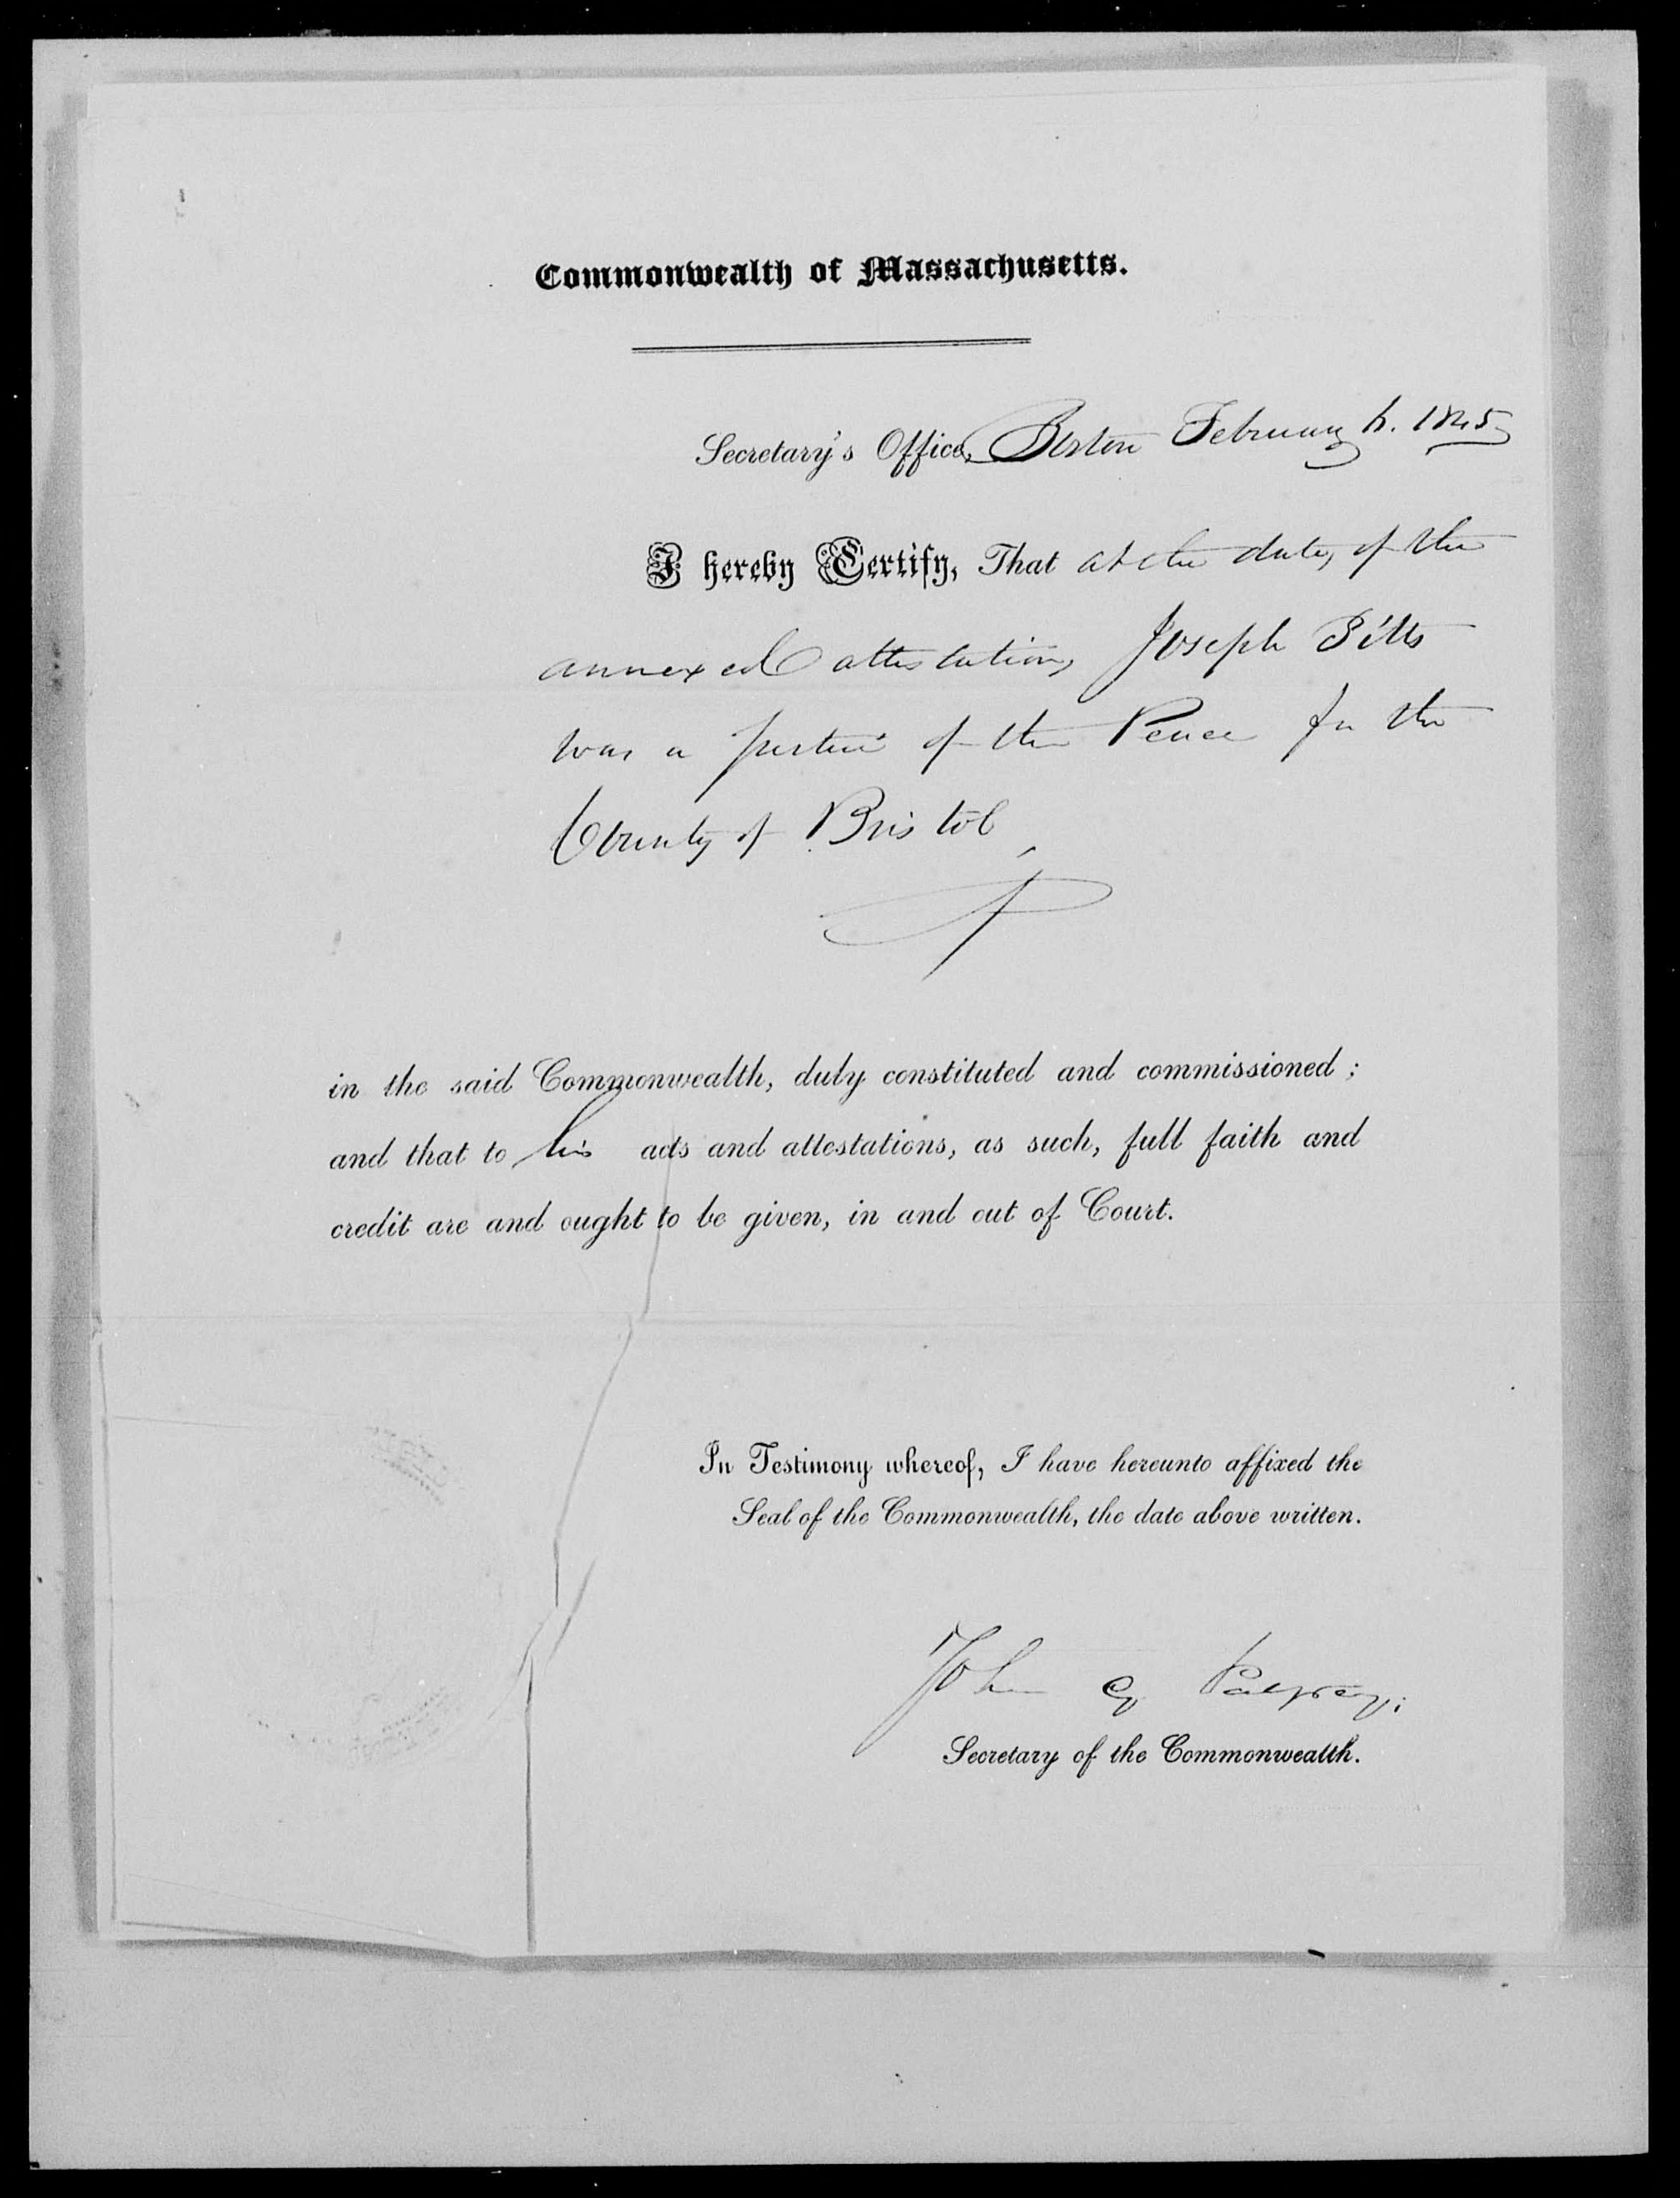Commonwealth of Massachusetts.
Secretary's Office, Boston February 6, 1845
I hereby Certify, That at the date of the
annexed attestation, Joseph Pitts
was a Justice of the Peace for the
County of Bristol
in the said Commonwealth, duly constituted and commissioned; and that to his acts and attestations, as such, full faith and
credit are and ought to be given, in and out of Court.

In Testimony whereof, I have hereunto affixed the
Seal of the Commonwealth, the date above written
John G. Palfray
Secretary of the Commonwealth.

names: John G Palfray; Joseph Pitts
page: 51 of 54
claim: widow's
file: W. 26,897, for George Pitts, Massachusetts